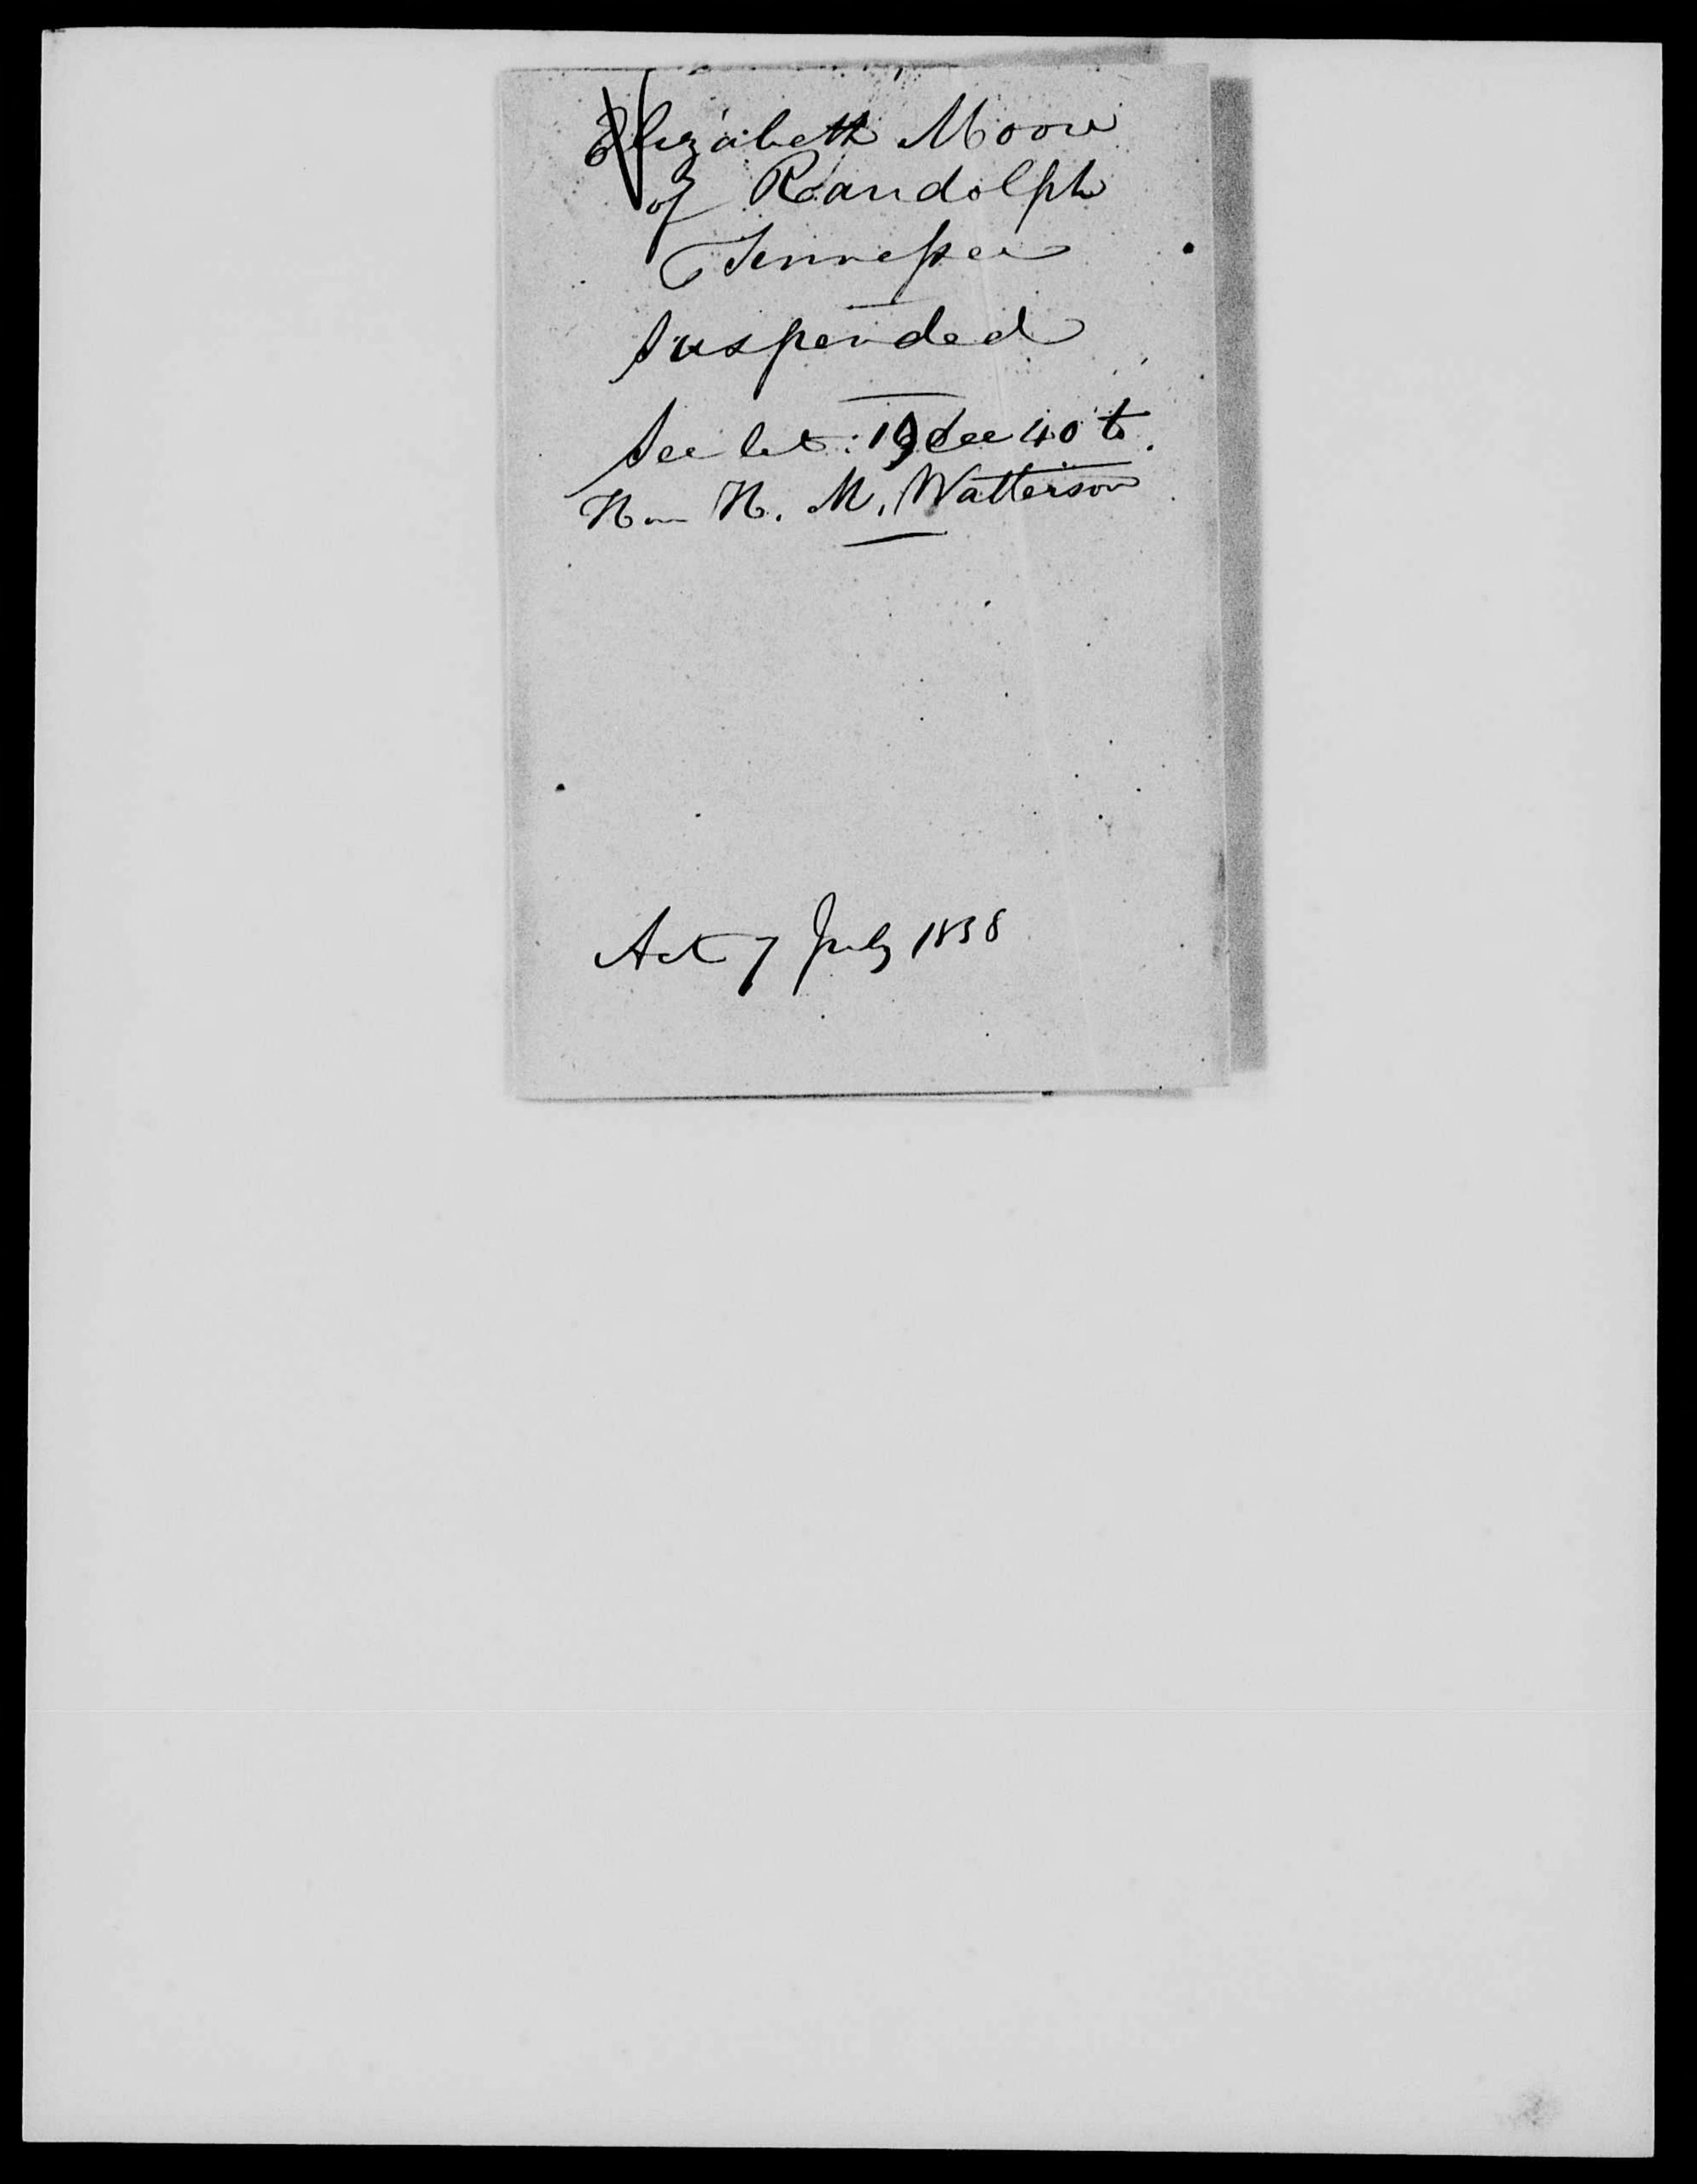Elizabeth Moore
of Randolph
Tennessee
suspended
See let. 19 Dec. 40 to Hon. N. M. Watterson


Act 7 July 1838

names: Elizabeth Moore; H M Walterson; Randolph [BLANK]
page: 24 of 33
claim: widow's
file: W. 52, for Randolph Moore, North Carolina